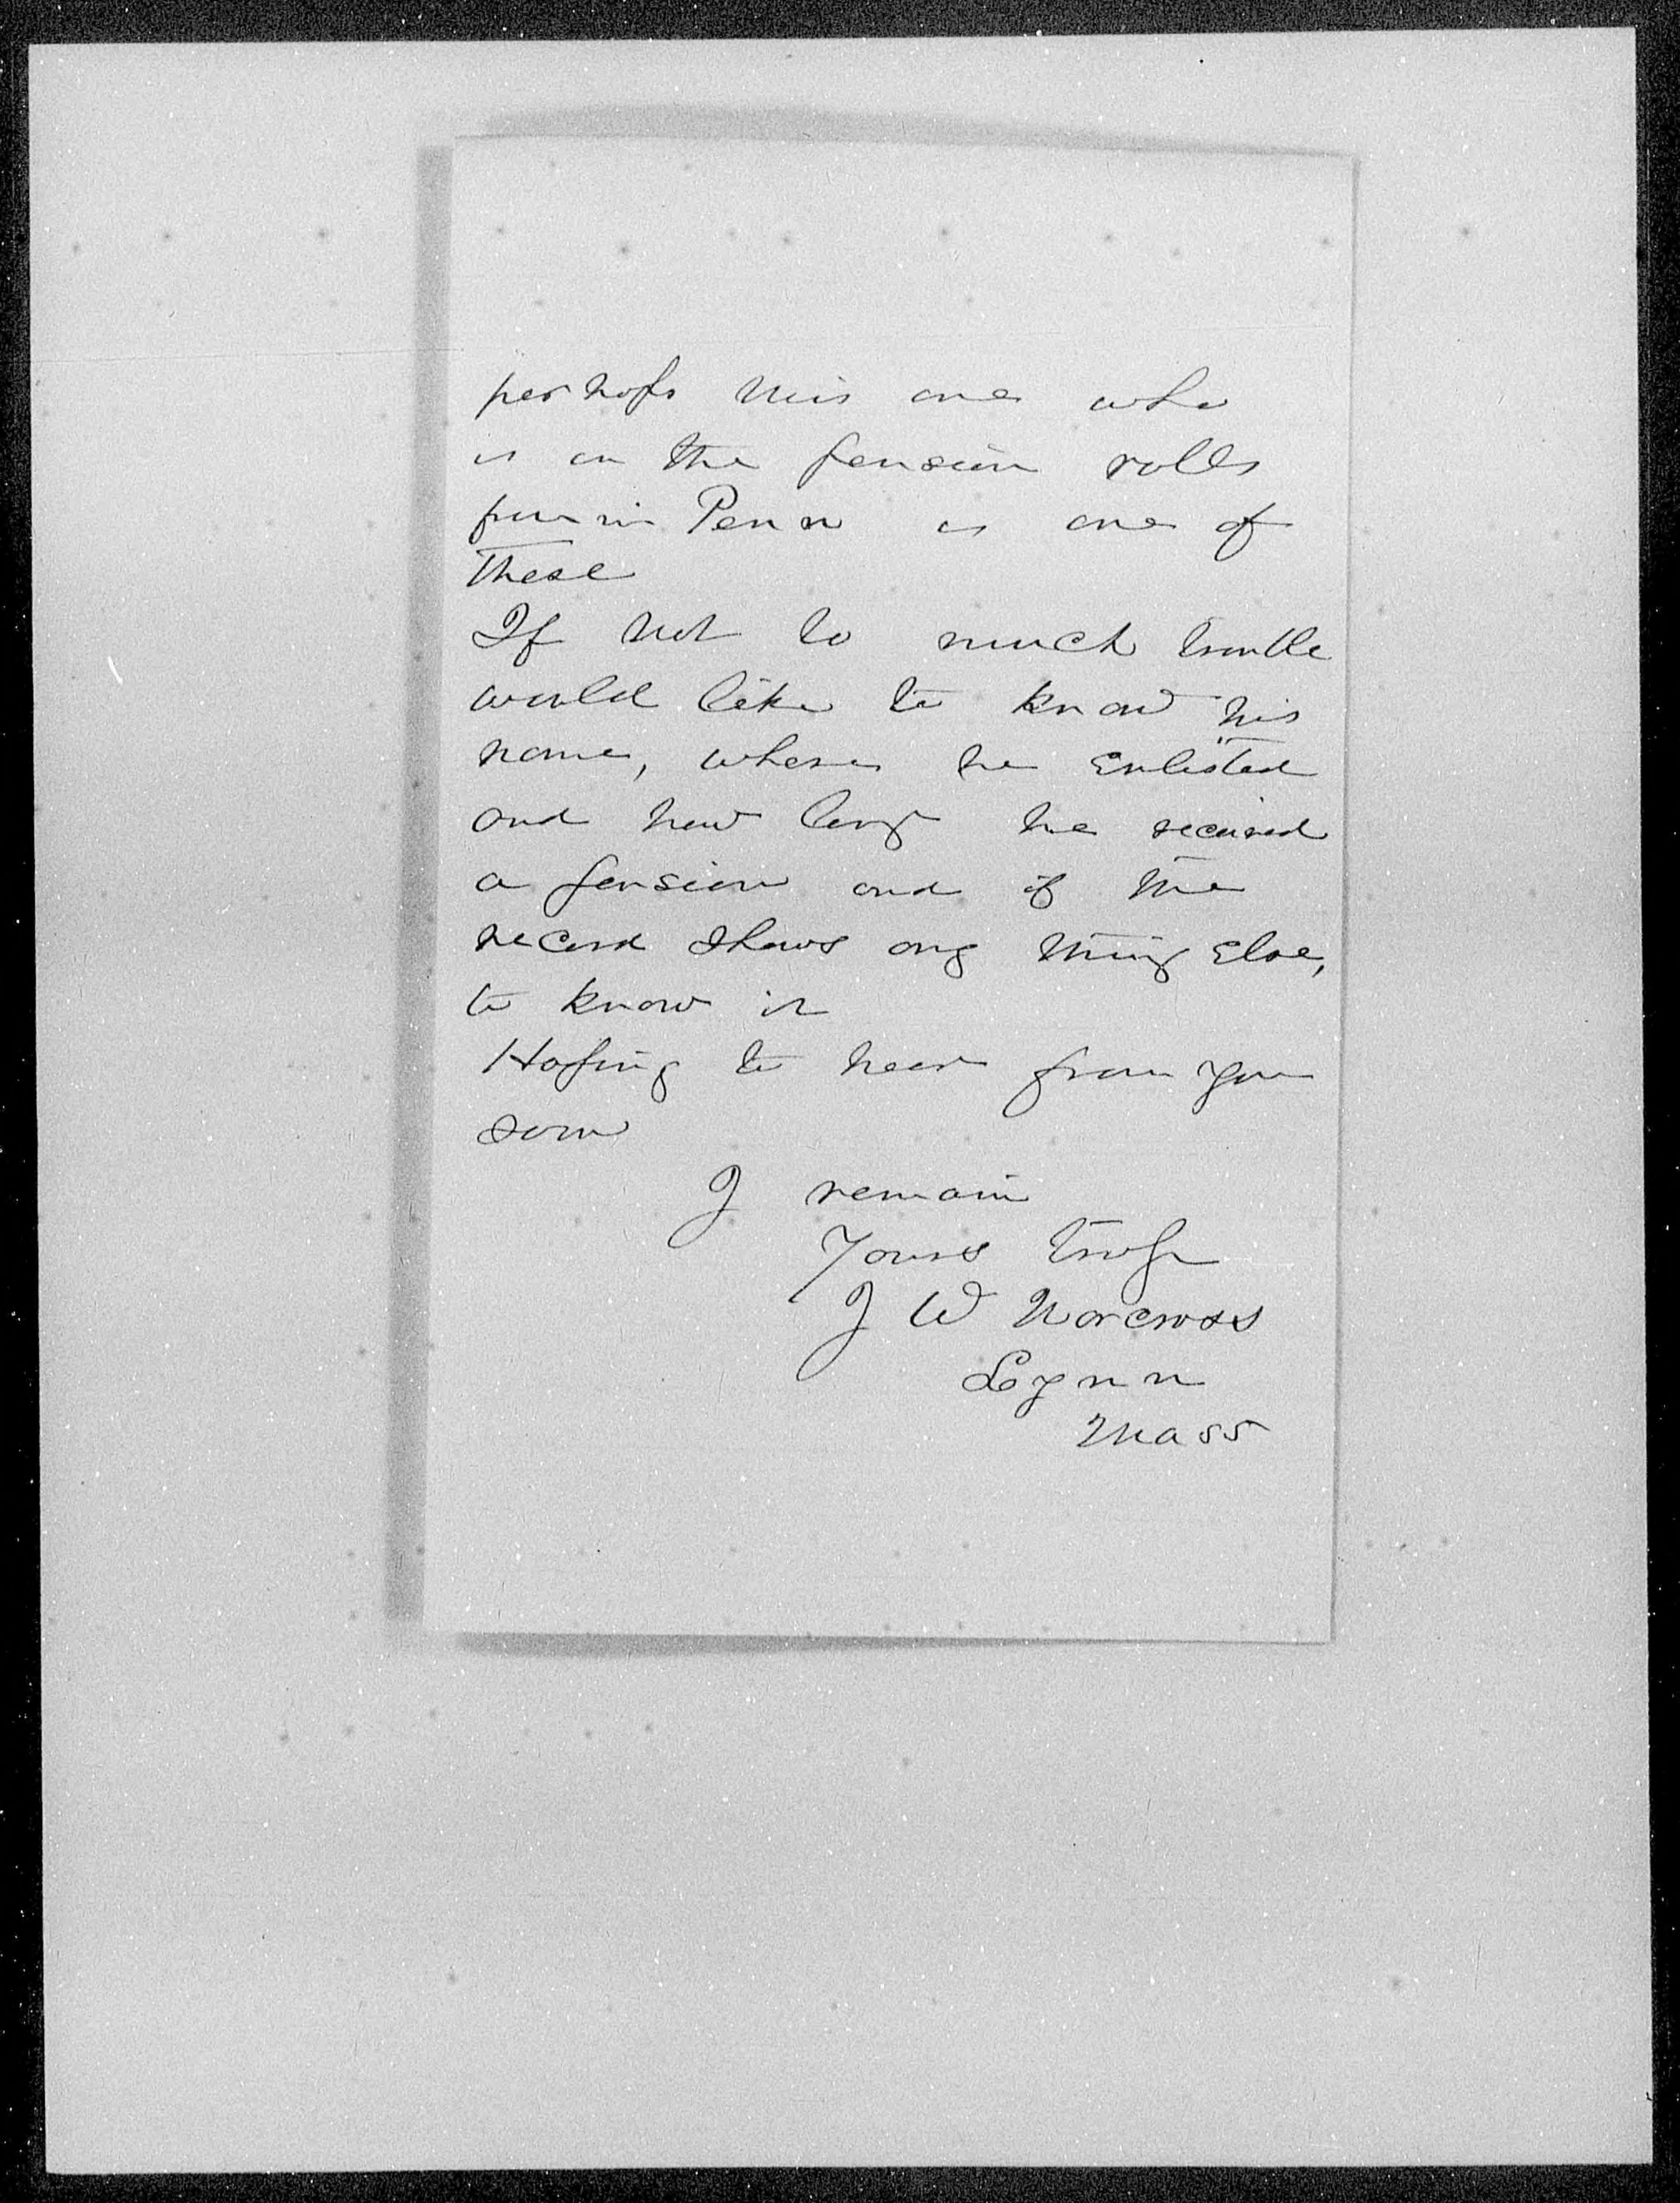perhaps this one who
is in the pension rolls
from in Penn is one of
these.

If not too much trouble
would like to know his
name, when he enlisted
and how long he received
a pension and if the
record shows anything else,
to know it.

Hoping to hear from you
soon.

I remain
yours truly
J.W. Norcross
Lynn, Mass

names: J W Norcross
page: 19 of 23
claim: survivor's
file: S. 27257, for John Norcross, Pennsylvania